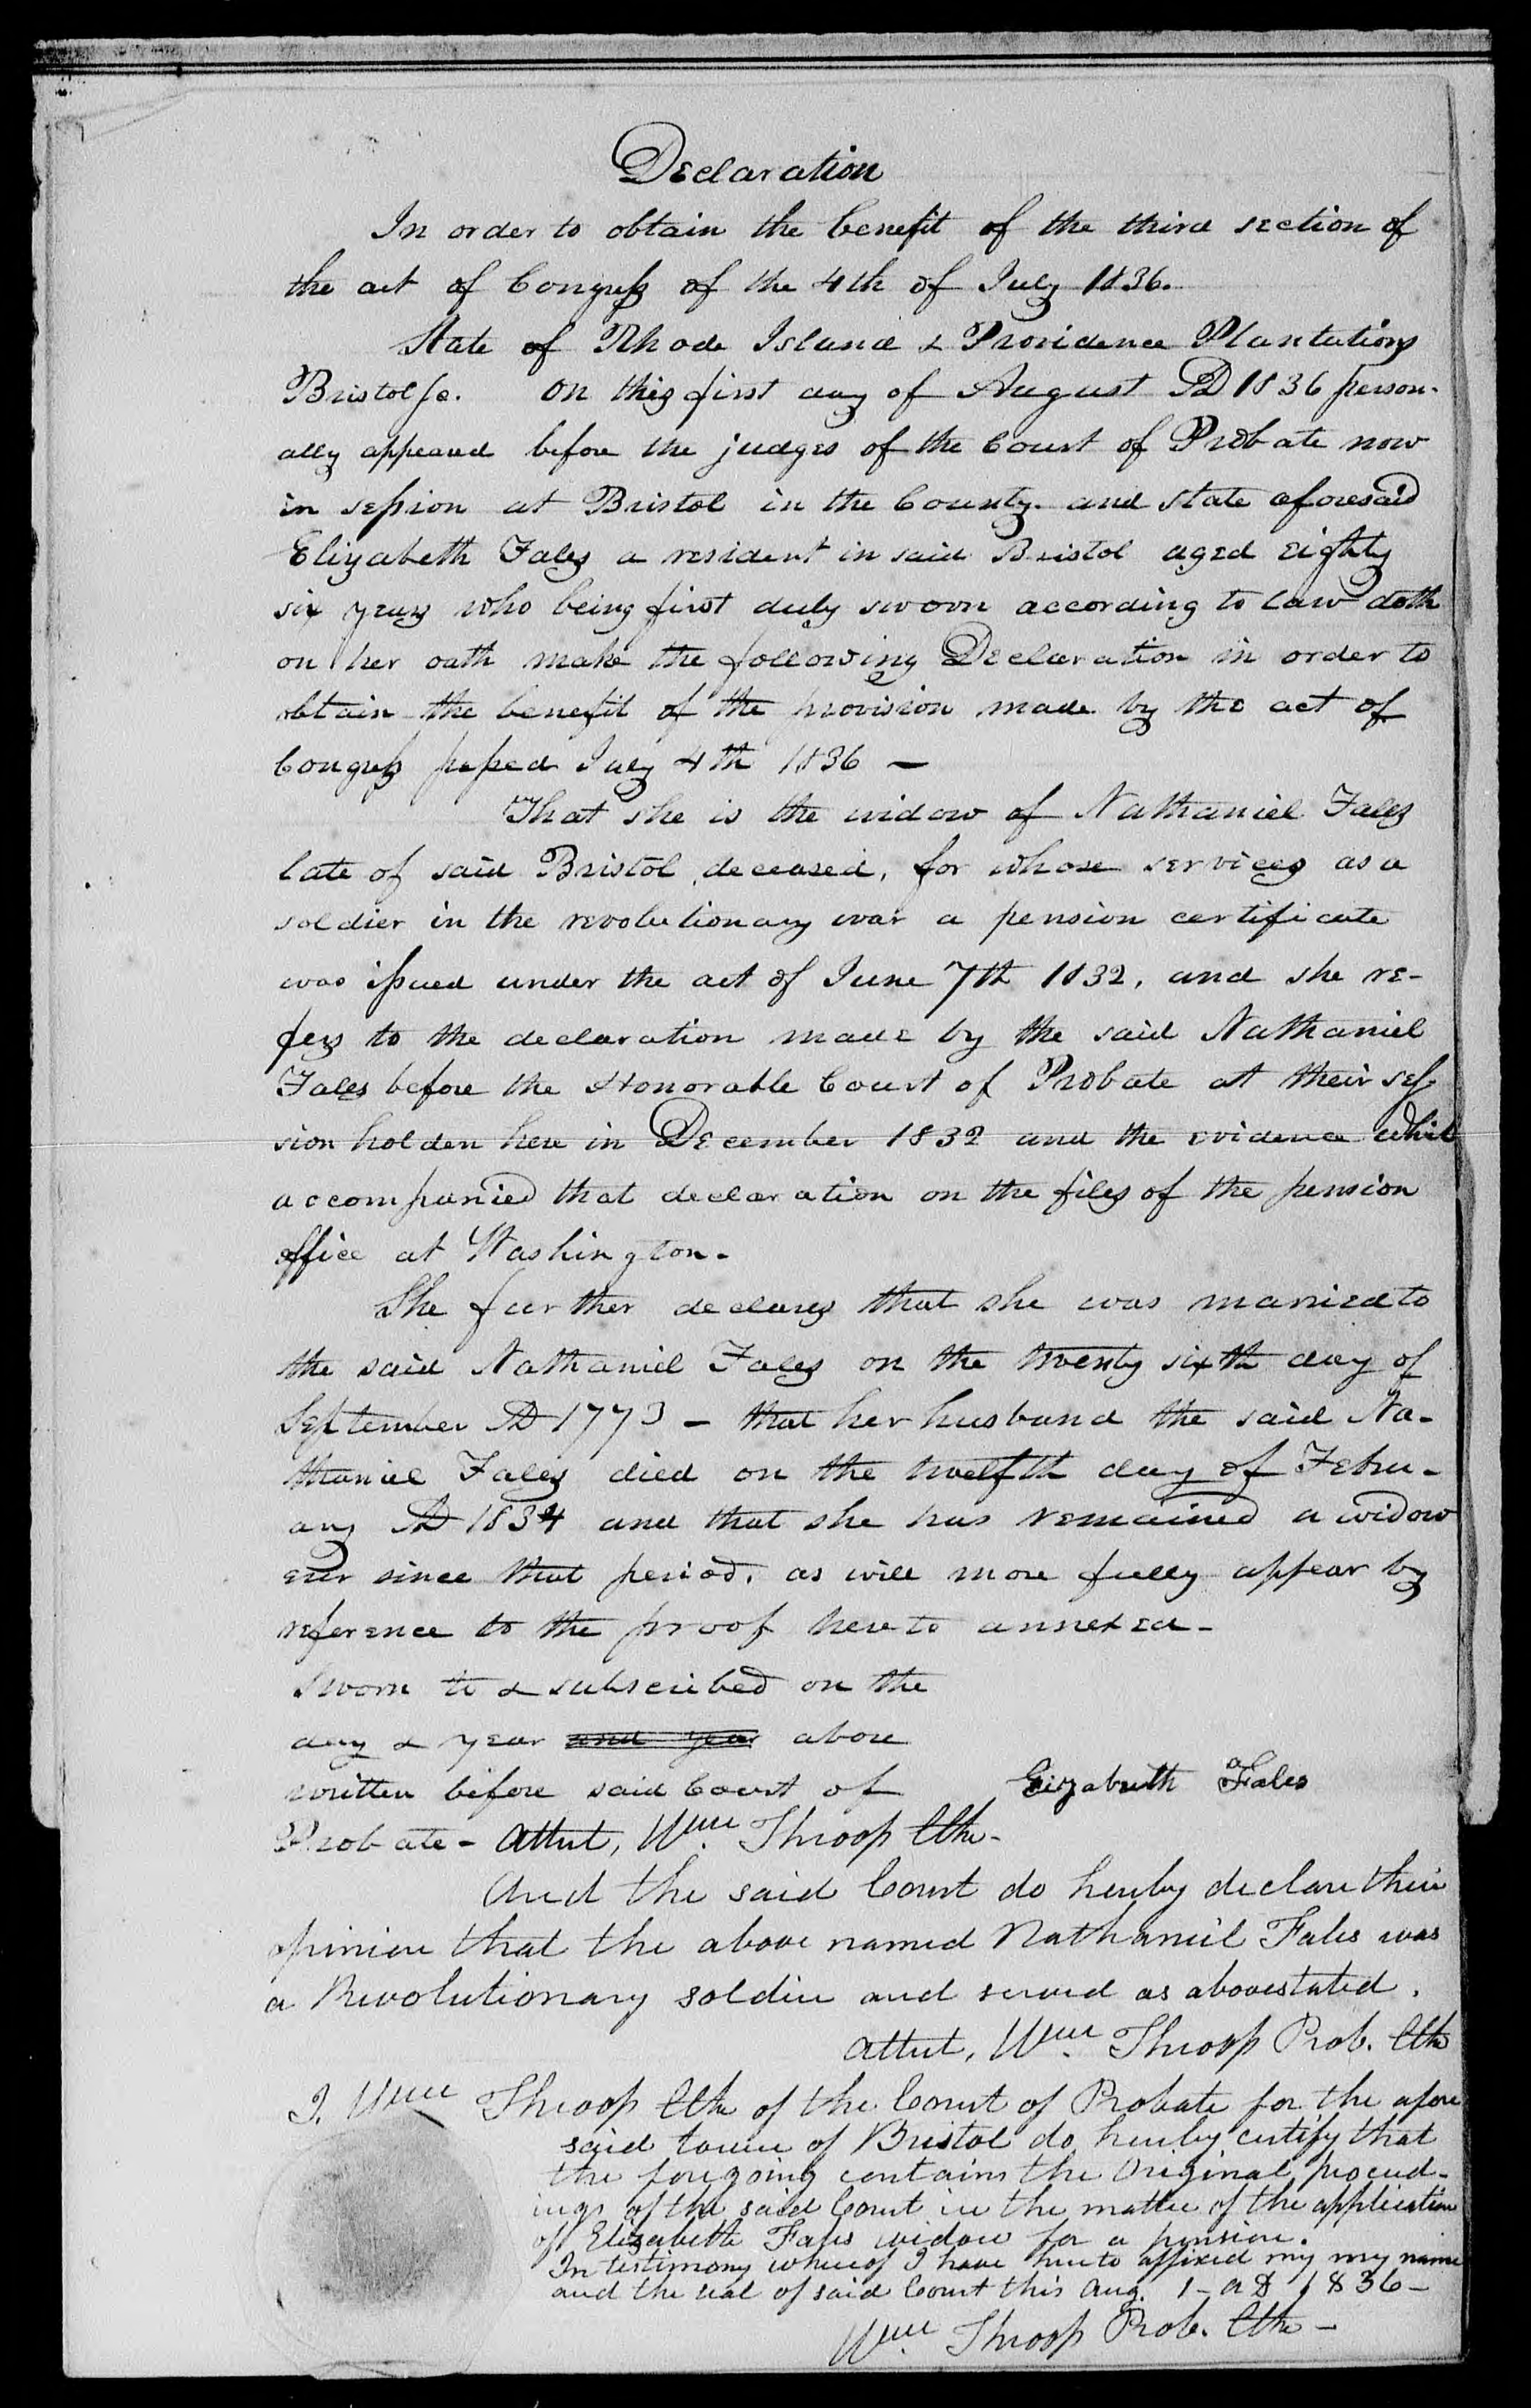Declaration
In order to obtain the benefit of the thrice section of the act of congress of the 4th of July 1836.
State of Rhode Island & Providence Plantations Bristol. On this first day of August AD 1836 personally appeared before the judges of the court of Probate now in session at Bristol in the county and state aforesaid Elizabeth Fales a resident in said Bristol aged eighty six years who being first duly sworn according to law doth on her oath make the following declaration in order to obtain the benefit of the provision made by the act of congress passed July 4th 1836.
That she is the widow of Nathaniel Fales late of said Bristol deceased for whose services as a soldier in the revolutionary war a pension certificate was issued under the act of June 7th 1832 and she refers to the declaration made by the said Nathaniel Fales before the honorable court of probate at their session holden here in December 1832 and the evidence which accompanied that declaration on the files of the pension office at Washington. 
The further declares that she was married to the said Nathaniel Fales on the twenty sixth day of September AD 1773 - that her husband the said Nathaniel Fales died on the twelfth day of February AD 1834 and that she has remained a widow ever since that period as will more fully appear by reference to the proof here to annexed - 
Elizabeth Fales
Sworn to & subscribed on the day & year above written before said court of probate - attest W.m Throop
And the said court do hereby declare this opinion that the above named Nathaniel Fales was a revolutionary solder and served as a above stated.
Attest W.m Throop Probate Clk

I W.m Throop Clk of the court of probate for the aforesaid said town of Bristol do hereby certify that the foregoing contains the original proceedings of the said court in the matter of the application of Elizabeth Fales widow for a pension. 
In testimony whereof I have hereto affixed my name and the seal of said court this Aug. 1 AD 1836
W.m Throop Prob. Clk.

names: Nathaniel Fales, Elizabeth Fales, Nathaniel Fales, Wm Throop, Elizabeth Fales, Wm Throop, Elizabeth Fales, Wm Throop, Nathaniel Fales, Nathaniel Fales, Nathaniel Fales, Wm Throop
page: 14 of 32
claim: widow's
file: W. 24,173, Nathaniel Fales, R.I.